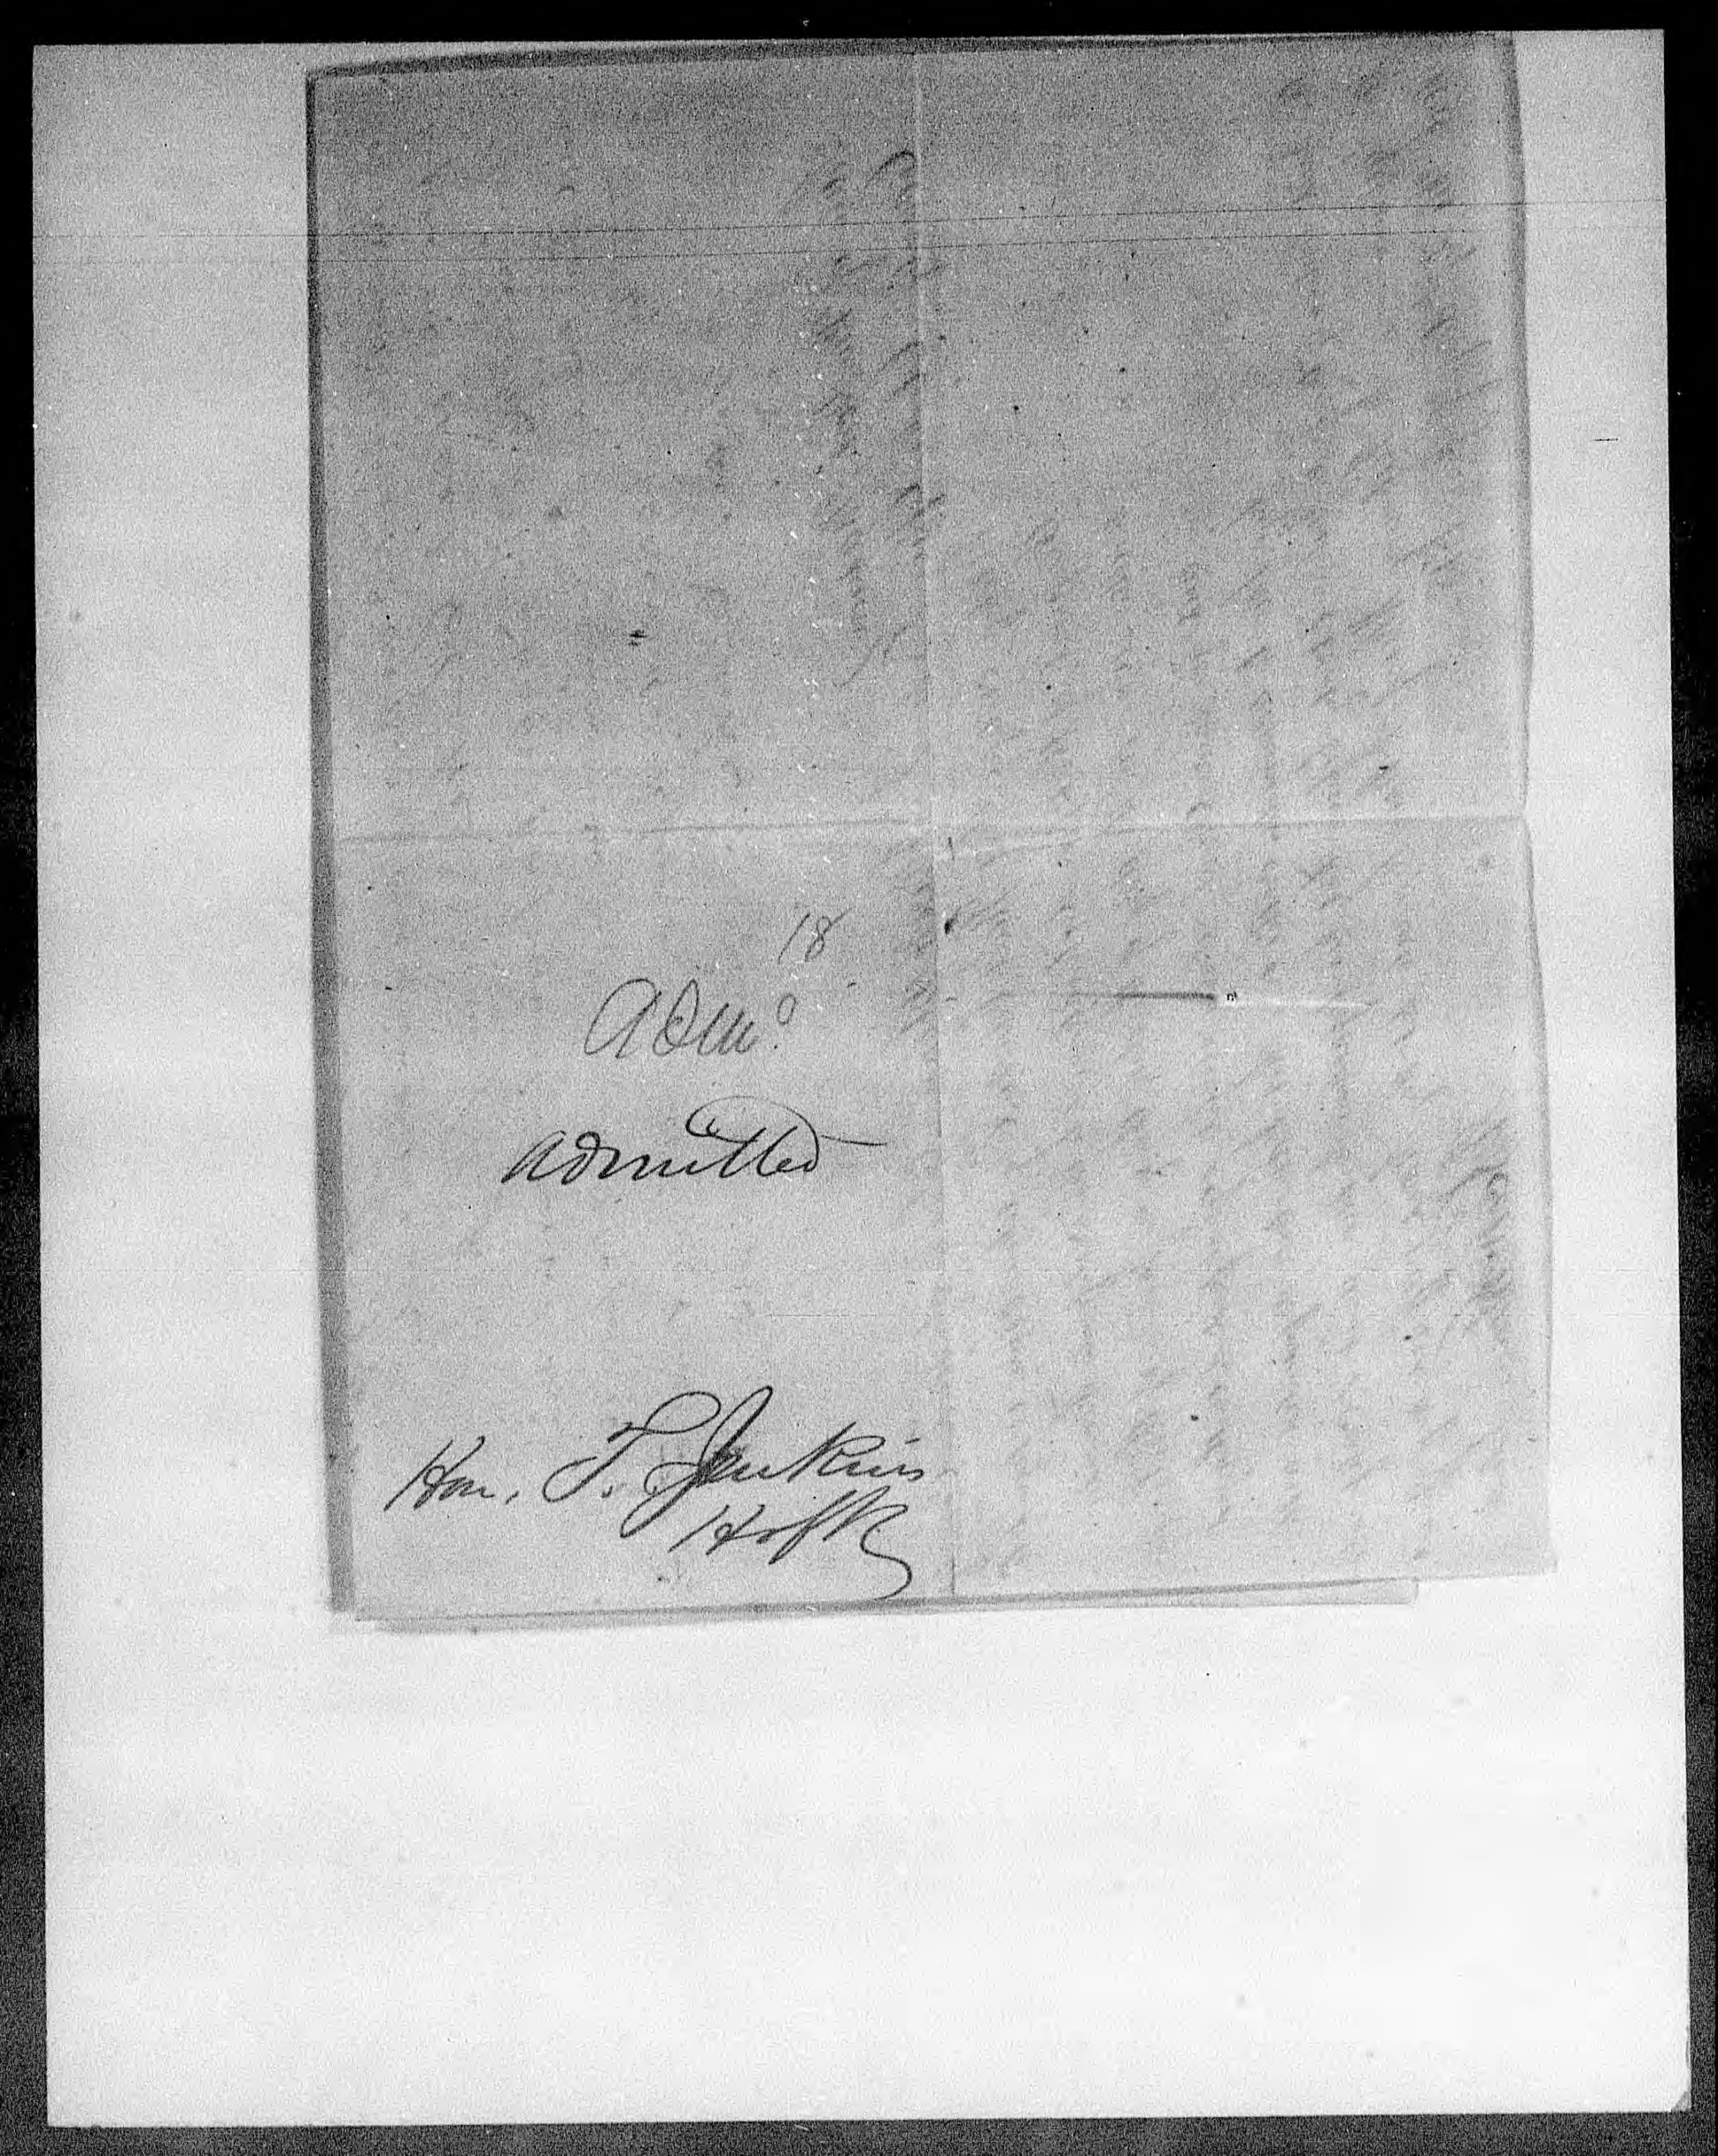18
Admd.
Admitted
Hon. T. Jenkins
H of R [House of Representatives]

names: T Jenkins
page: 43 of 60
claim: widow's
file: W. 19,537, Thomas Griffin, Conn.